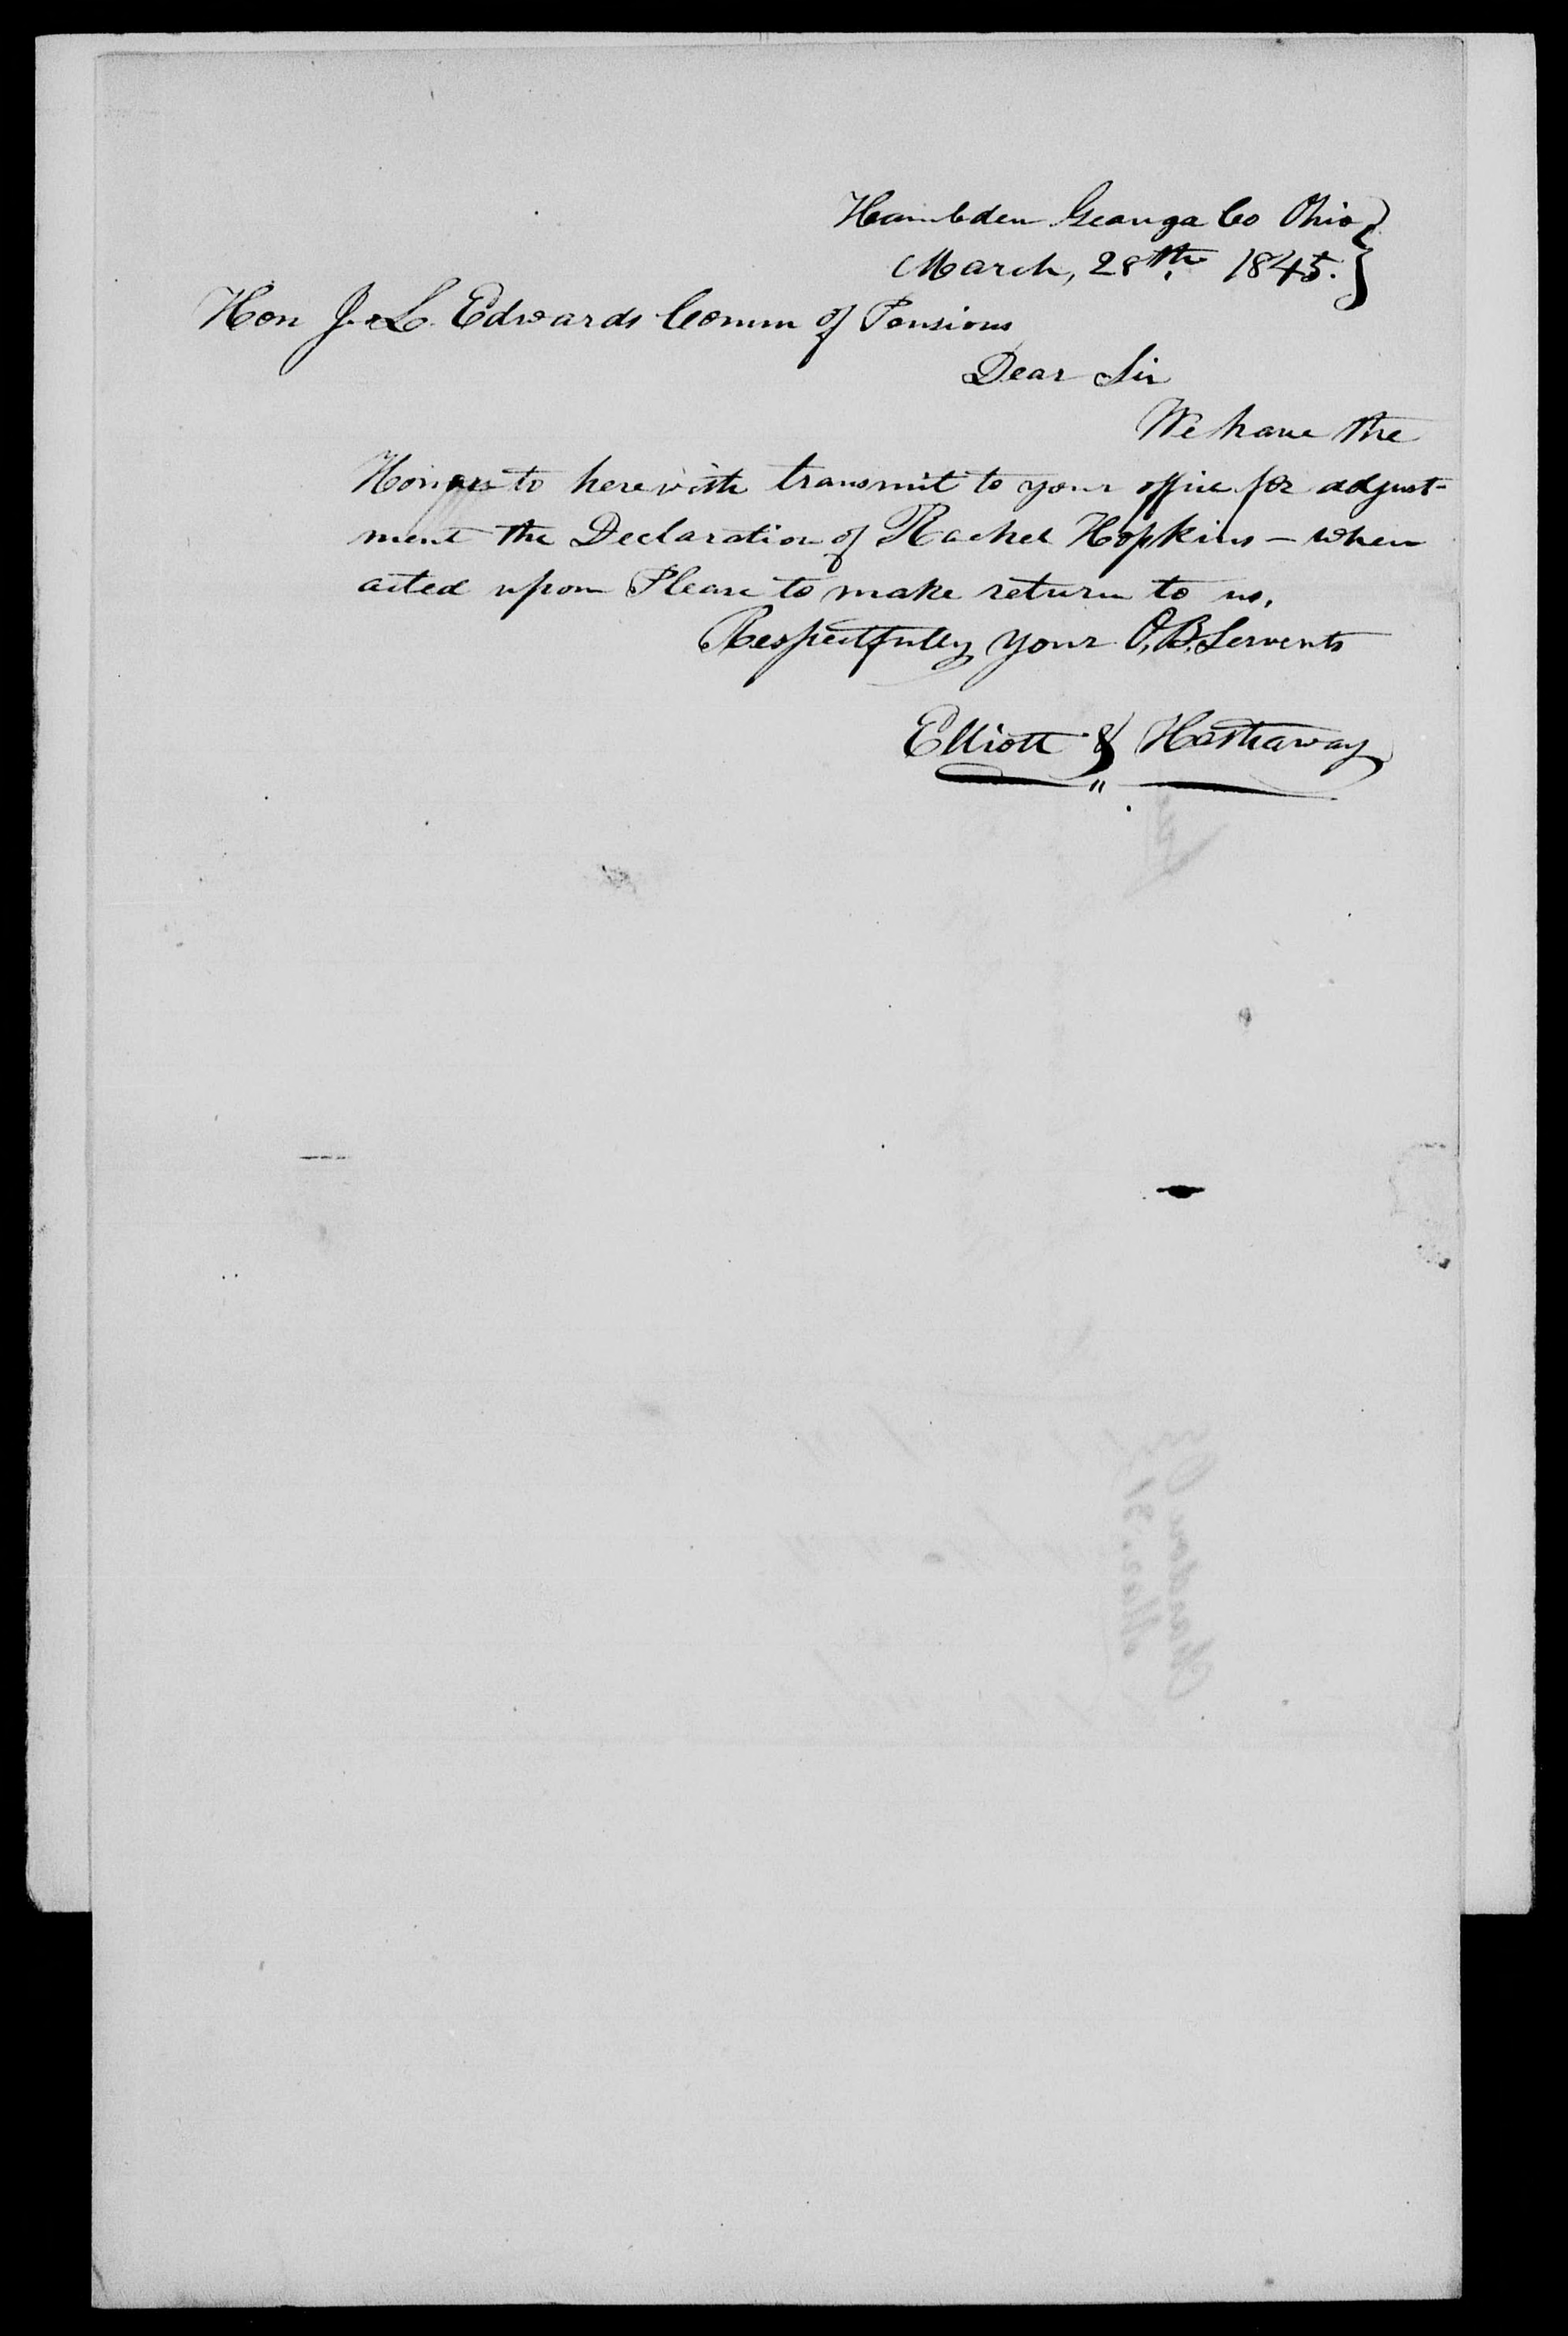Hambden Geauga Co Ohio
March 28th 1845.
Hon J.L. Edwards Comm of Pensions
Dear Sir
We have the honor 
 to herewith transmit to your office for adjustment the Declaration of Rachel Hopkins when acted upon Please to make return to us
Respectfully your O.B. Servants
Elliott & Hathaway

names: Hathaway, Elliott, J L Edwards, Rachel Hopkins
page: 134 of 144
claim: rejected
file: R. 5208, Dennis Hopkins, N.C.